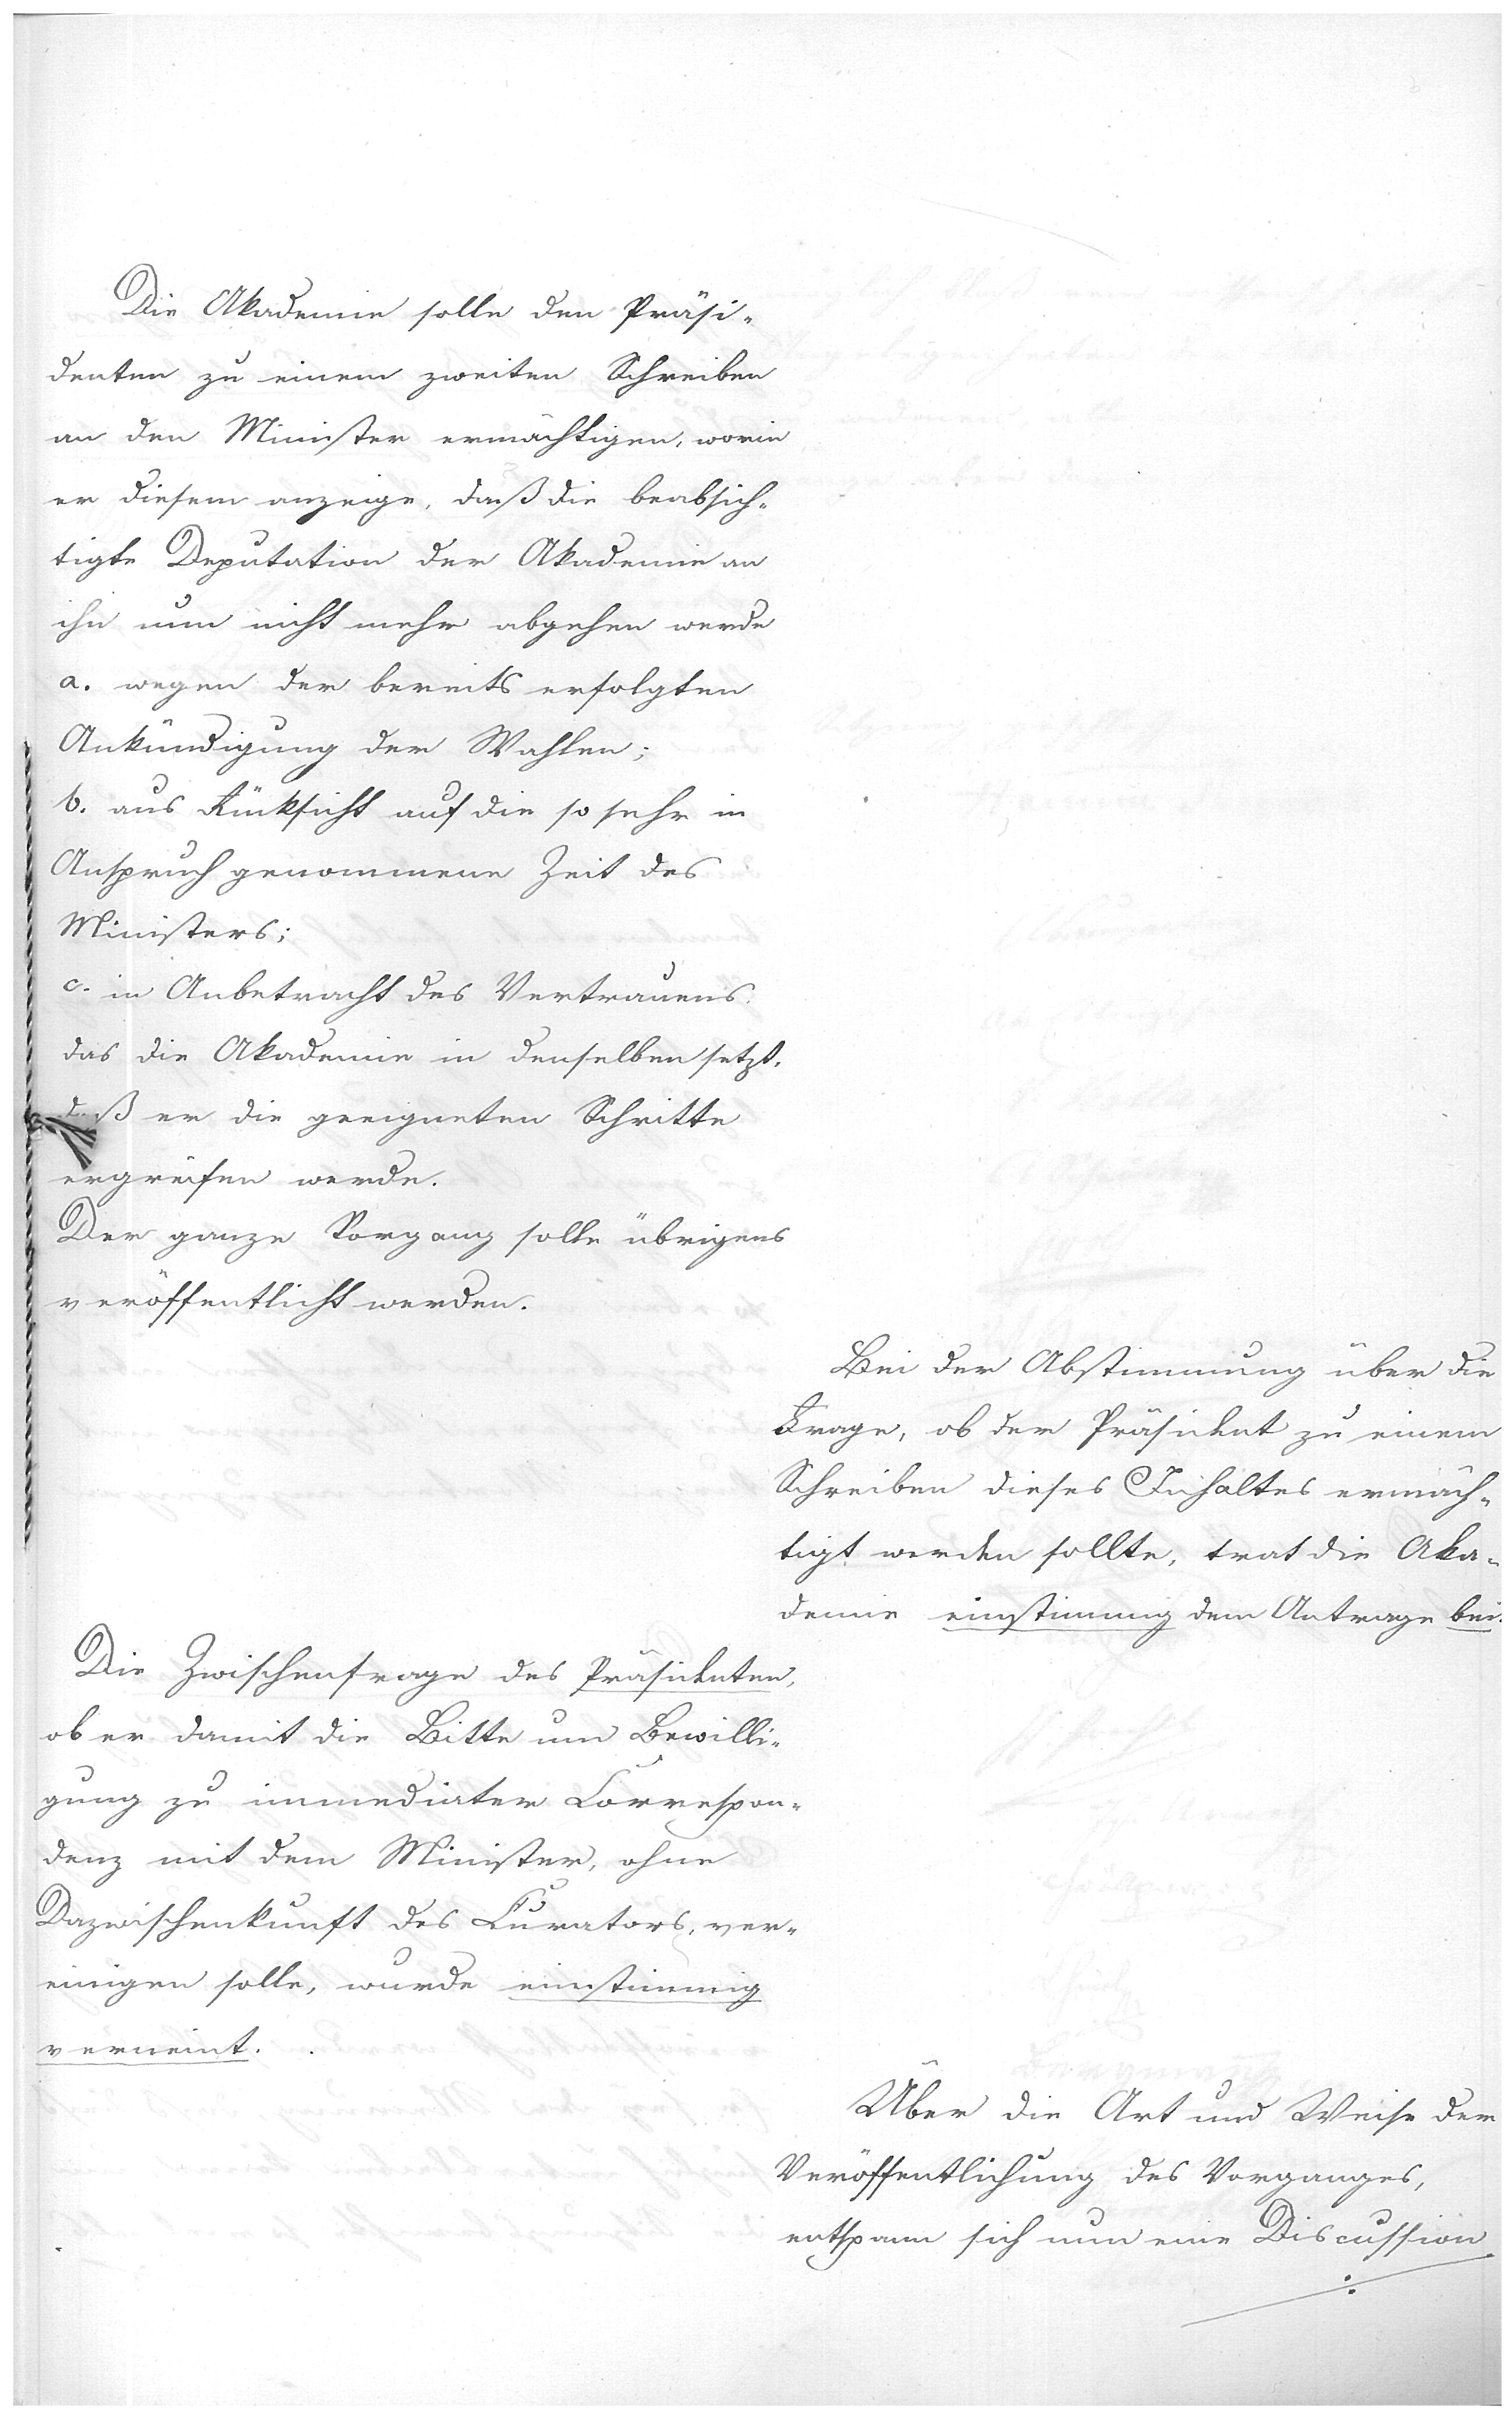Die Akademie solle dem Präsi-
denten zu einem zweiten Schreiben
an den Minister ermächtigen, worin
er diesem anzeige, daß die beabsich-
tigt Deputation der Akademie an
ihn nun nicht mehr abgehen werden
a. wegen der bereits erfolgten
Ankündigung der Wahlen;
b. aus Rücksicht auf die so sehr in
Anspruch genommene Zeit des
Minister;
c. in Anbetracht des Vertrauens,
das die Akademie in denselben setzt,
daß er die geeigneten Schritte
ergreifen werde.
Der ganze Vorgang solle übrigens
veröffentlicht werden.
Bei der Abstimmung über die
Frage, ob der Präsident zu einem
Schreiben dieses Inhaltes ermäch-
tigt werden sollte, trat die Aka-
demie einstimmig dem Antrage bei.
Die Zwischenfrage des Präsidenten,
ob er damit die Bitte und Bewilli-
gung zu immediater Correspon-
denz mit dem Minister, ohne
Dazwischenkunft des Curators, ver-
einigen solle, wurde einstimmig
verneint.
Über die Art und Weise der
Veröffentlichung des Vorganges,
entspann sich nun eine Discussion